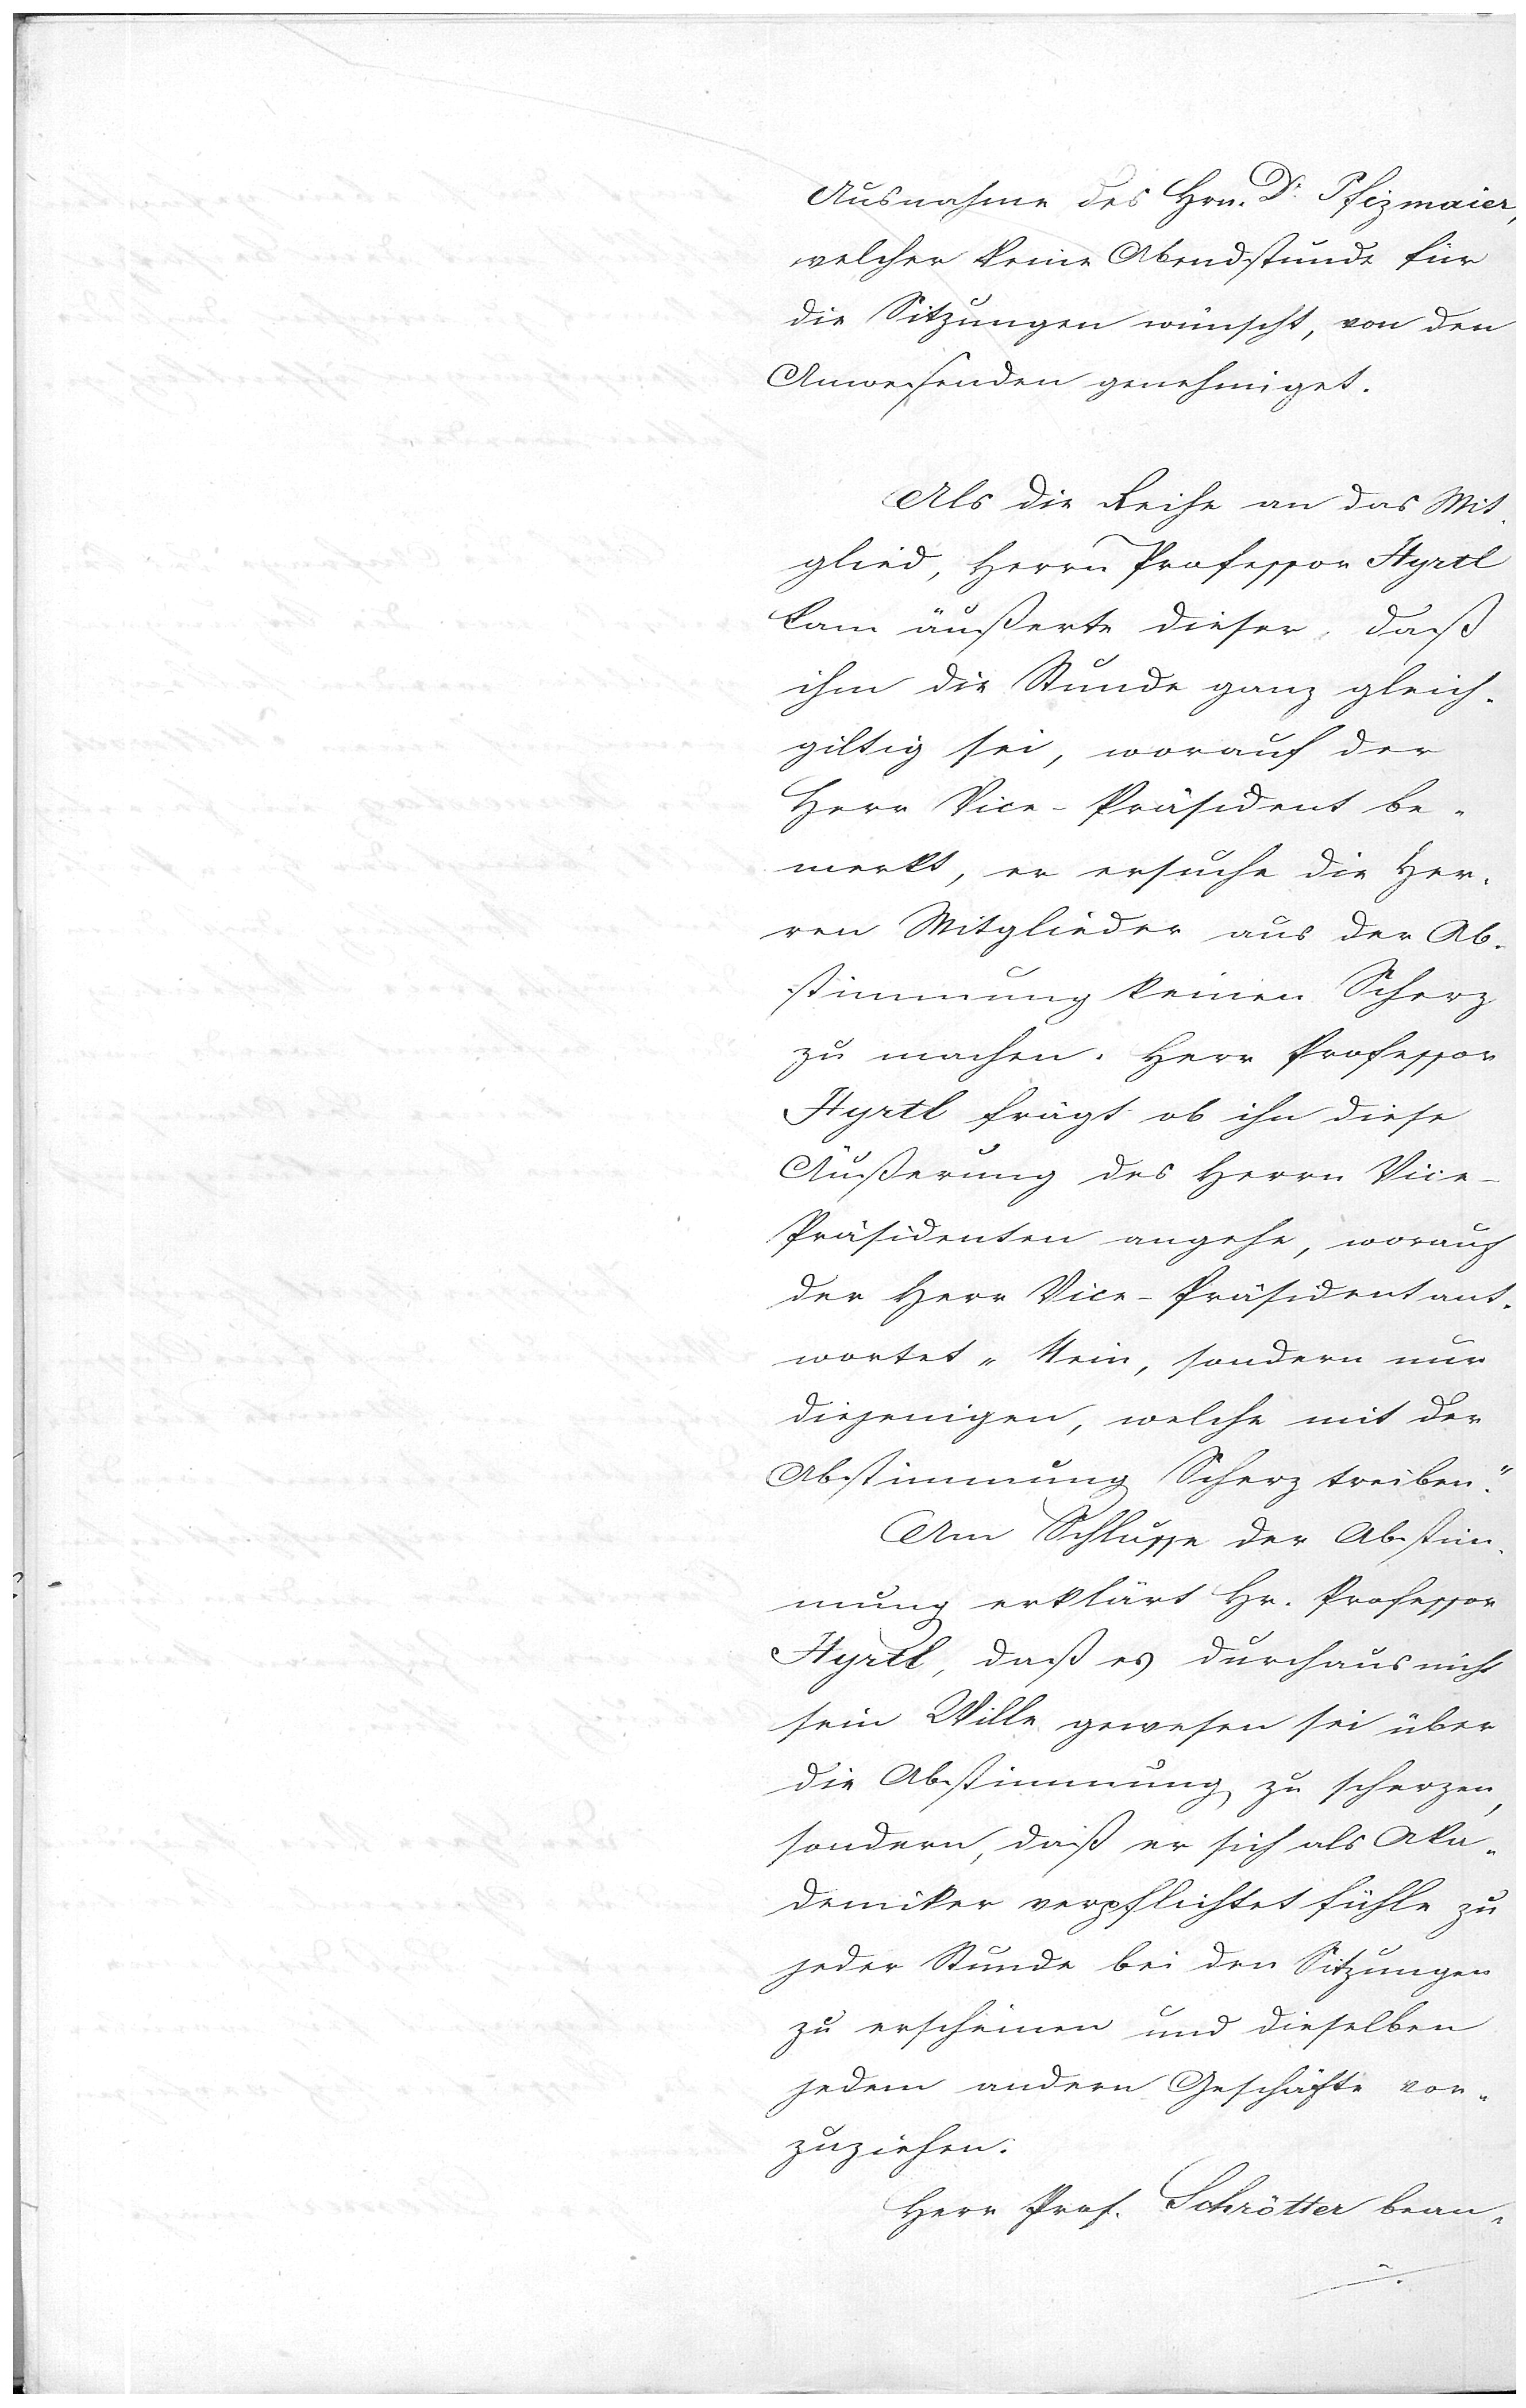Ausnahme des Hrn. Dr Pfizmaier,
welcher keine Abendstunde für
die Sitzungen wünscht, von den
Anwesenden genehmiget.
Als die Reihe an das Mit-
glied, Herrn Professor Hyrtl
kam äußerte dieser, daß
ihm die Stunde ganz gleich-
giltig sei, worauf der
Herr Vice-Präsident be-
merkt, er ersuche die Her-
ren Mitglieder aus der Ab-
stimmung keinen Scherz
zu machen. Herr Professor
Hyrtl frägt, ob ihn diese
Äußerung des Herrn Vice-
Präsidenten angehe, worauf
der Herr Vice-Präsident ant-
wortet "Nein, sondern nur
diejenigen, welche mit der
Abstimmung Scherz treiben."
An Schlusse der Abstim-
mung erklärt Hr. Professor
Hyrtl, daß es durchaus nicht
sein Wille gewesen sei über
die Abstimmung zu scherzen,
sondern, daß er sich als Aka-
demiker verpflichtet fühle zu
jeder Stunde bei den Sitzungen
zu erscheinen und dieselben
jedem andern Geschäfte vor-
zuziehen.
Herr Prof. Schrötter bean-